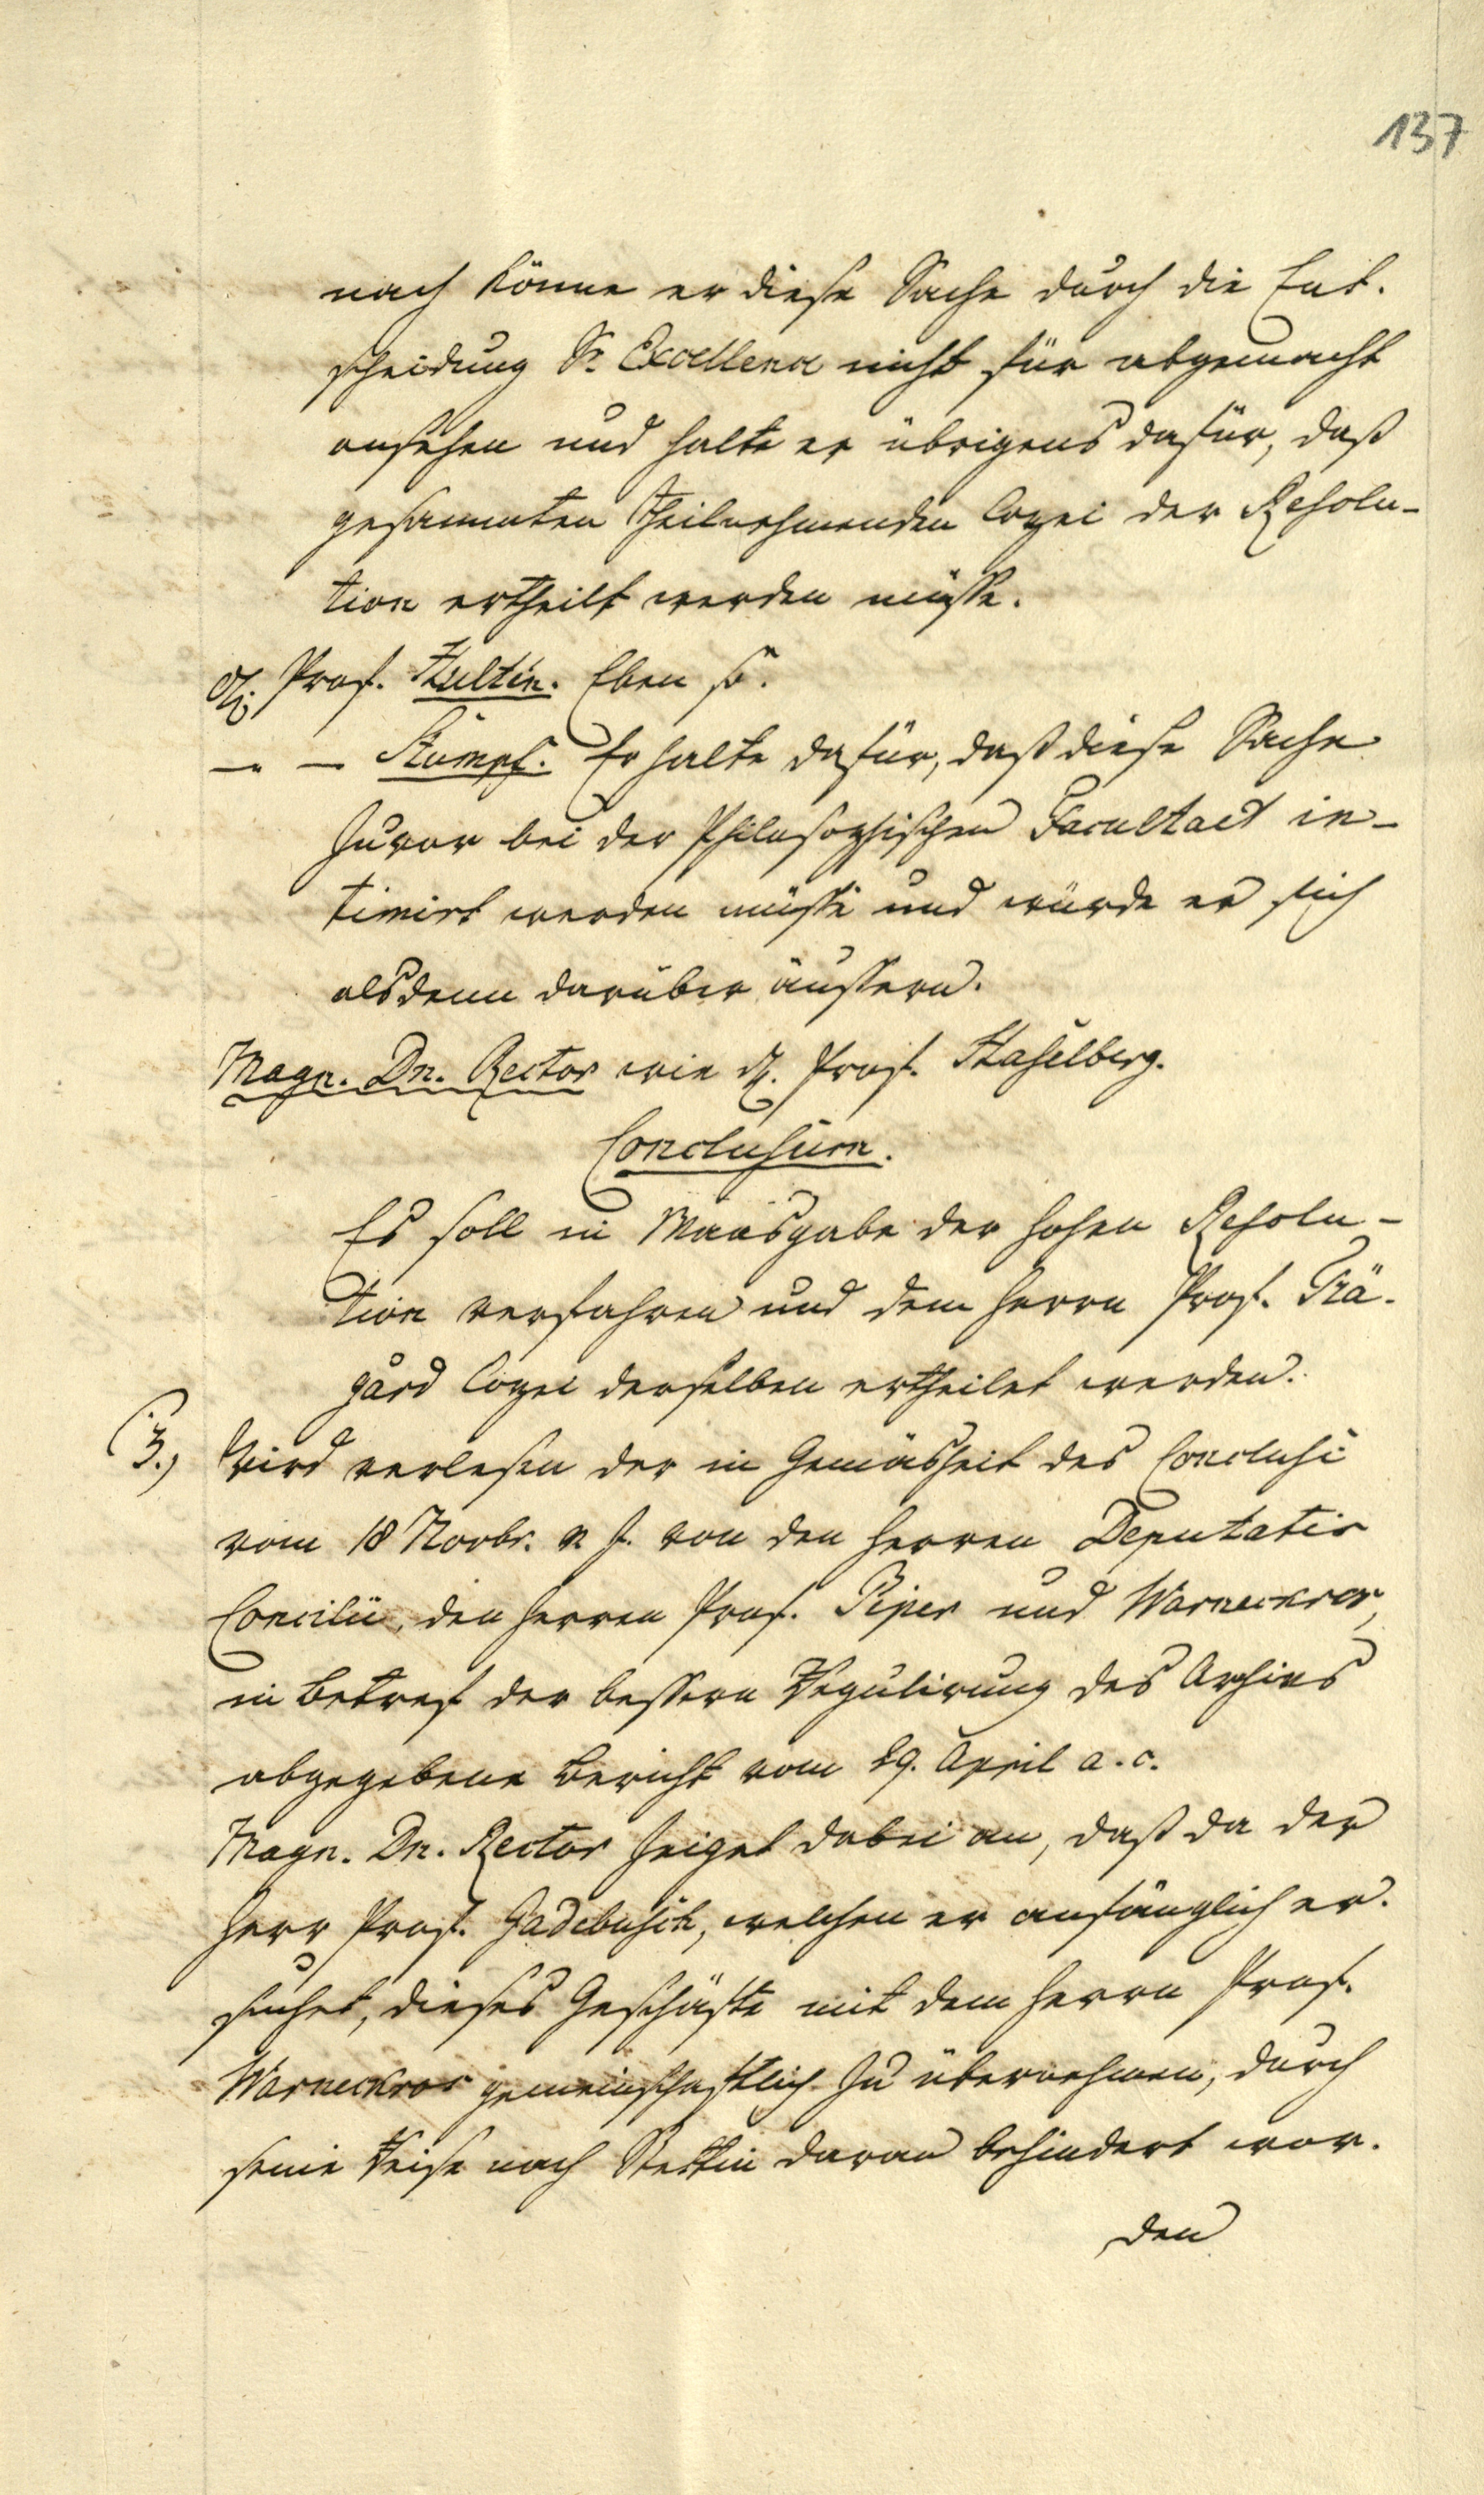nach könne er diese Sache durch die Ent¬
scheidung Sr Excellence nicht für abgemacht
ansehen und halte er übrigens dafür, daß
gesammten Theilnehmenden Copei der Resolu¬
tion ertheilt werden müsse.
dh. Prof. Hultén. Eben so.
Stumpf. Er halte dafür, daß diese Sache
zuvor bei der Philosophischen Facultaet in¬
timirt werden müsse und würde er sich
als denn darüber äussern.
Magn. Da. Rector wie dh. Prof. Haselberg.
Conclusum.
Es soll in Maasgabe der hohen Resolu¬
tion verfahren und dem Herrn Prof. Trä¬
gård Copei derselben ertheilet werden.
3., Wird verlesen der in Gemäsheit des Conclusi
vom 18 Novbr. v. J. von den Herren Deputatis
Concilii, den Herren Prof. Piper und Warneckros,
in Betref der bessern Regulirung des Archivs
abgegebene Bericht vom 29. April a. c.
Magn. Dn. Rector zeiget dabei an, daß da der
Herr Prof. Gadebusch, welchen er anfänglich er¬
suchet, dieses Geschäfte mit dem Herrn Prof.
Warneckros gemeinschaftich zu übernehmen, durch
seine Reise nach Stettin daran behindert wor¬
den